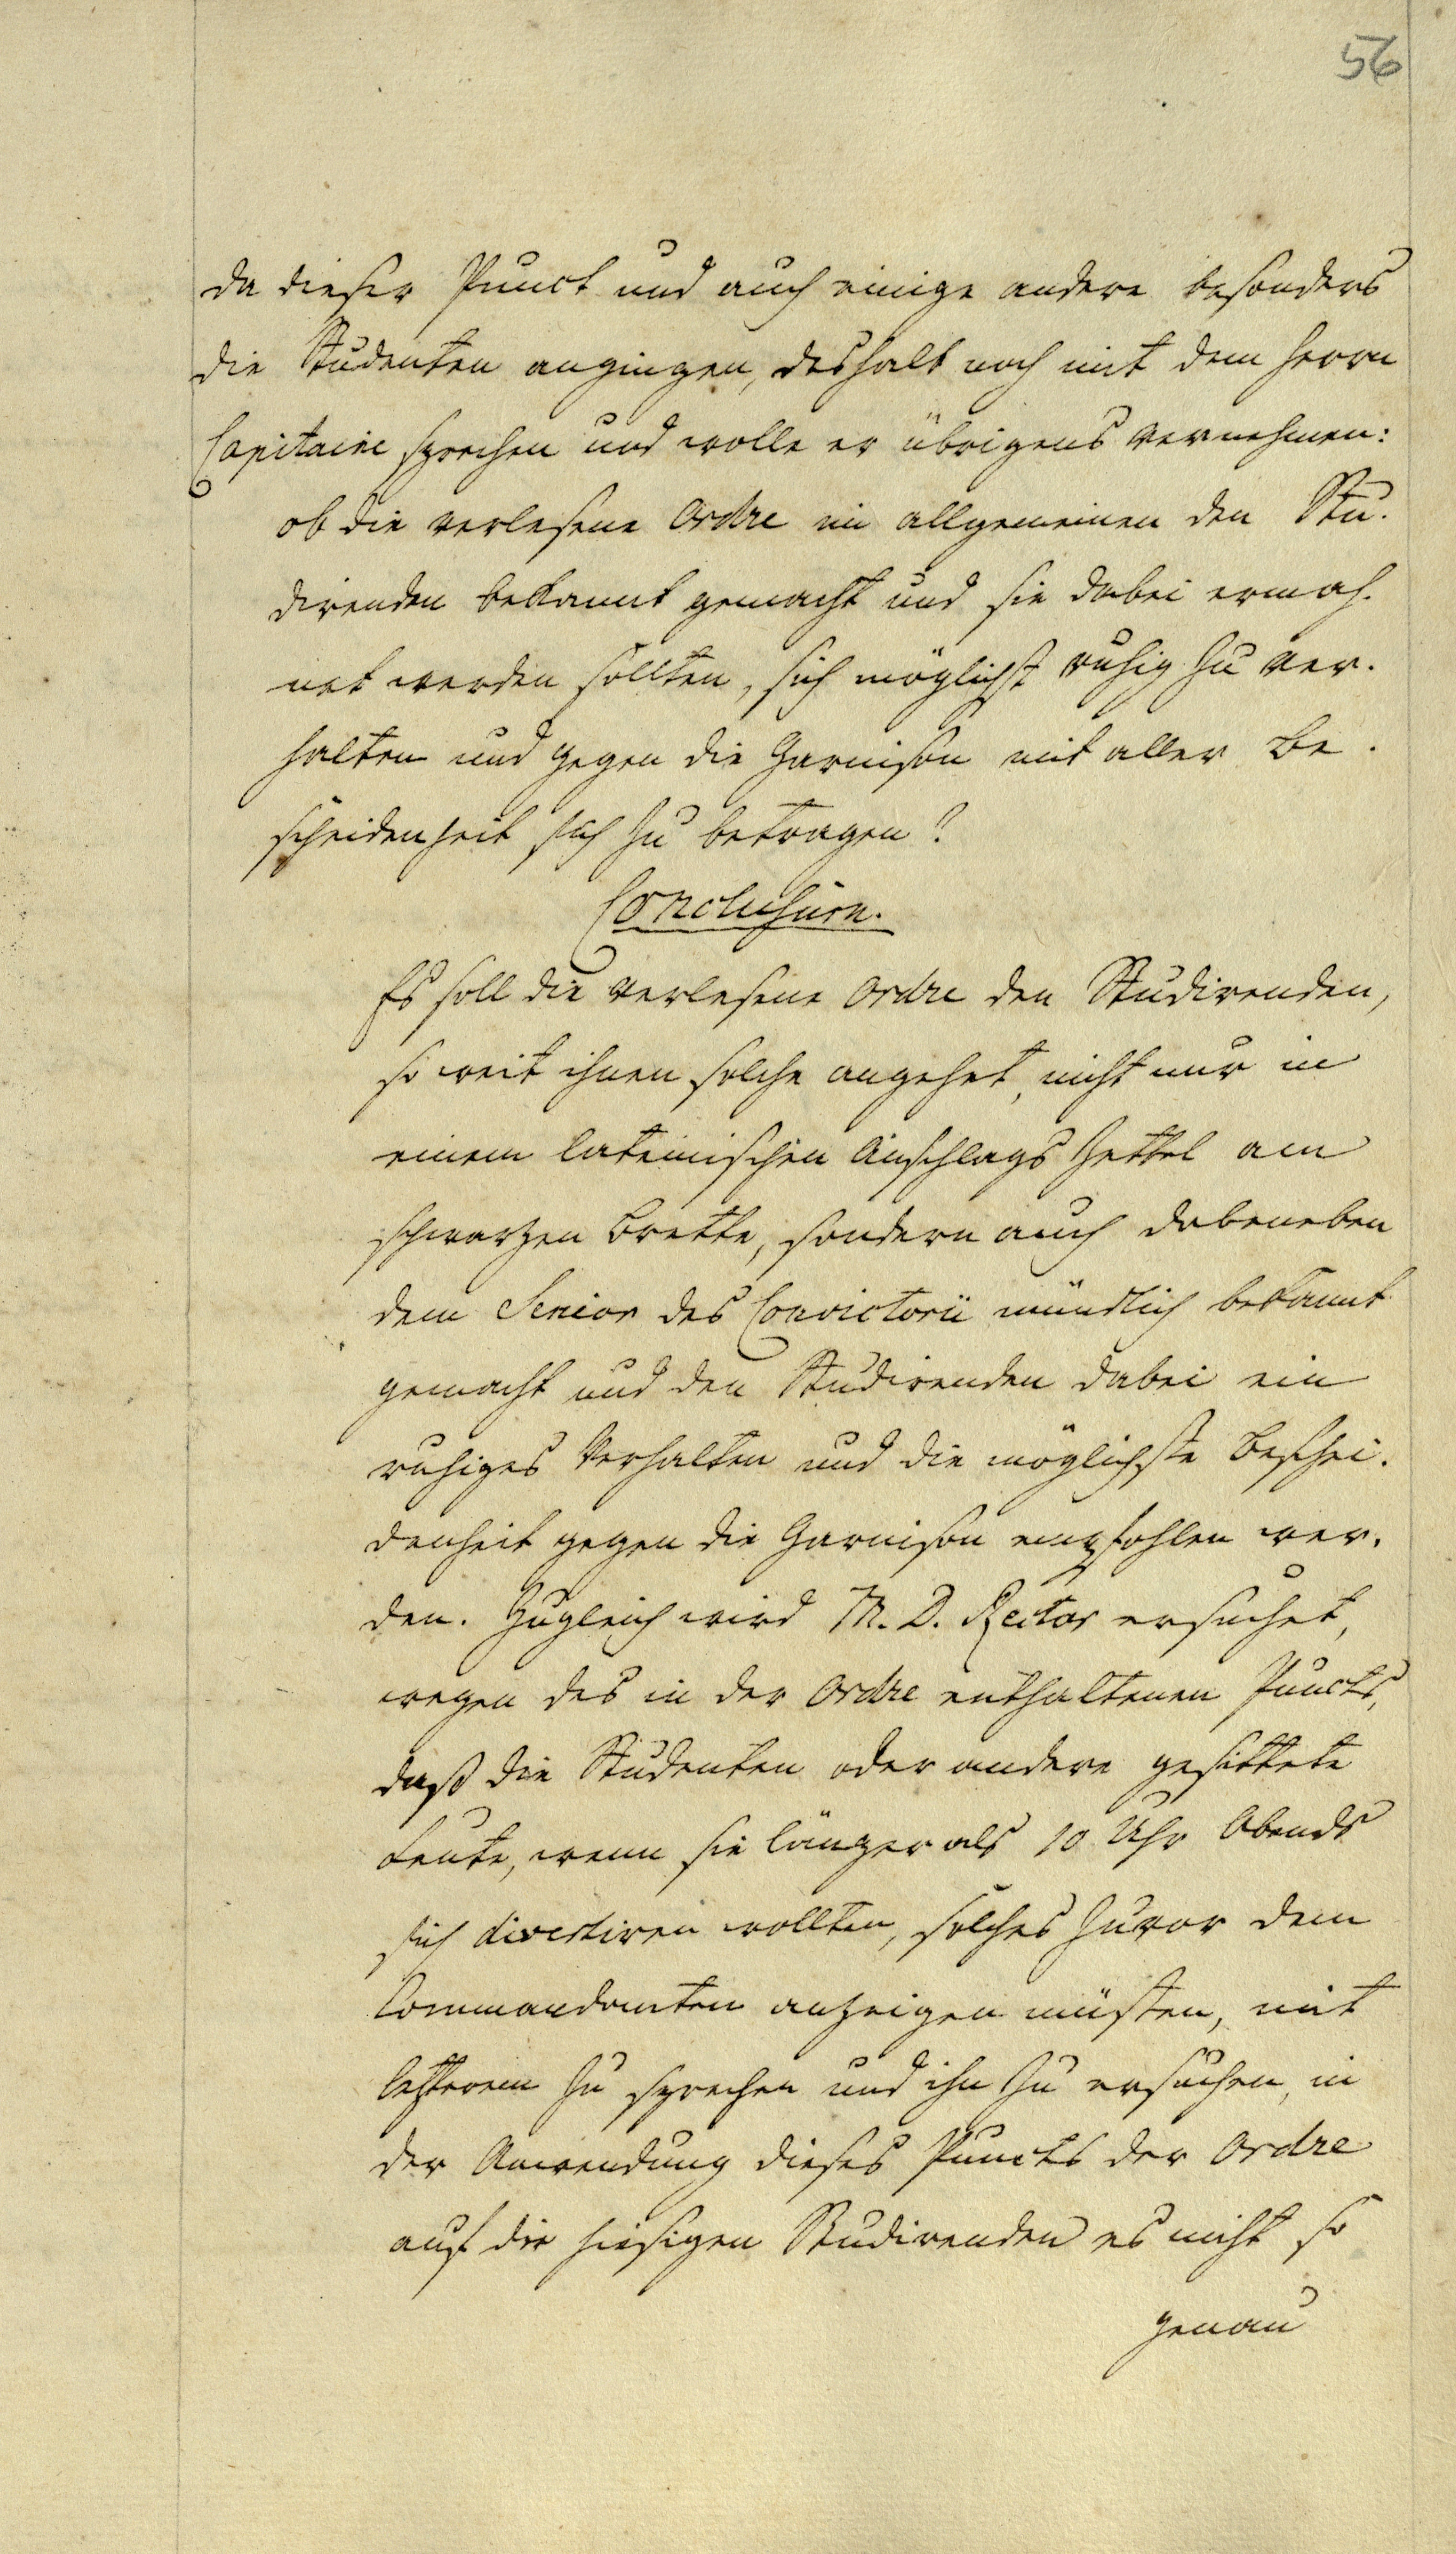da dieser Punct und auch einige andere besonders
die Studenten angingen, deshalb noch mit dem Herrn
Capitaine sprechen und wolle er übrigens vernehmen:
ob die verlesene Ordre im allgemeinen den Stu¬
direnden bekannt gemacht und sie dabei ermah¬
net werden sollten, sich möglichst ruhig zu ver¬
halten und gegen die Garnison mit aller Be¬
scheidenheit sich zu betragen?
Conclusum
Es soll die verlesene Ordre den Studirenden,
so weit ihnen solche angehet, nicht nur in
einem lateinischen Anschlags Zettel am
schwarzen Brette, sondern auch dabeneben
dem Senior des Convictorii mündlich bekannt
gemacht und den Studirenden dabei ein
ruhiges Verhalten und die möglichste Beschei¬
denheit gegen die Garnison empfohlen wer¬
den. Zugleich wird M. D. Rector ersuchet,
wegen des in der Ordre enthaltenen Puncts,
daß die Studenten oder andere gesittete
Leute, wenn sie länger als 10 Uhr Abends
sich divertiren wollten, solches zuvor dem
Commandaten anzeigen müsten, mit
letzterem zu sprechen und ihn zu ersuchen, in
der Abwendung dieses Puncts der Ordre
auf die hiesigen Studirenden es nicht so
genau